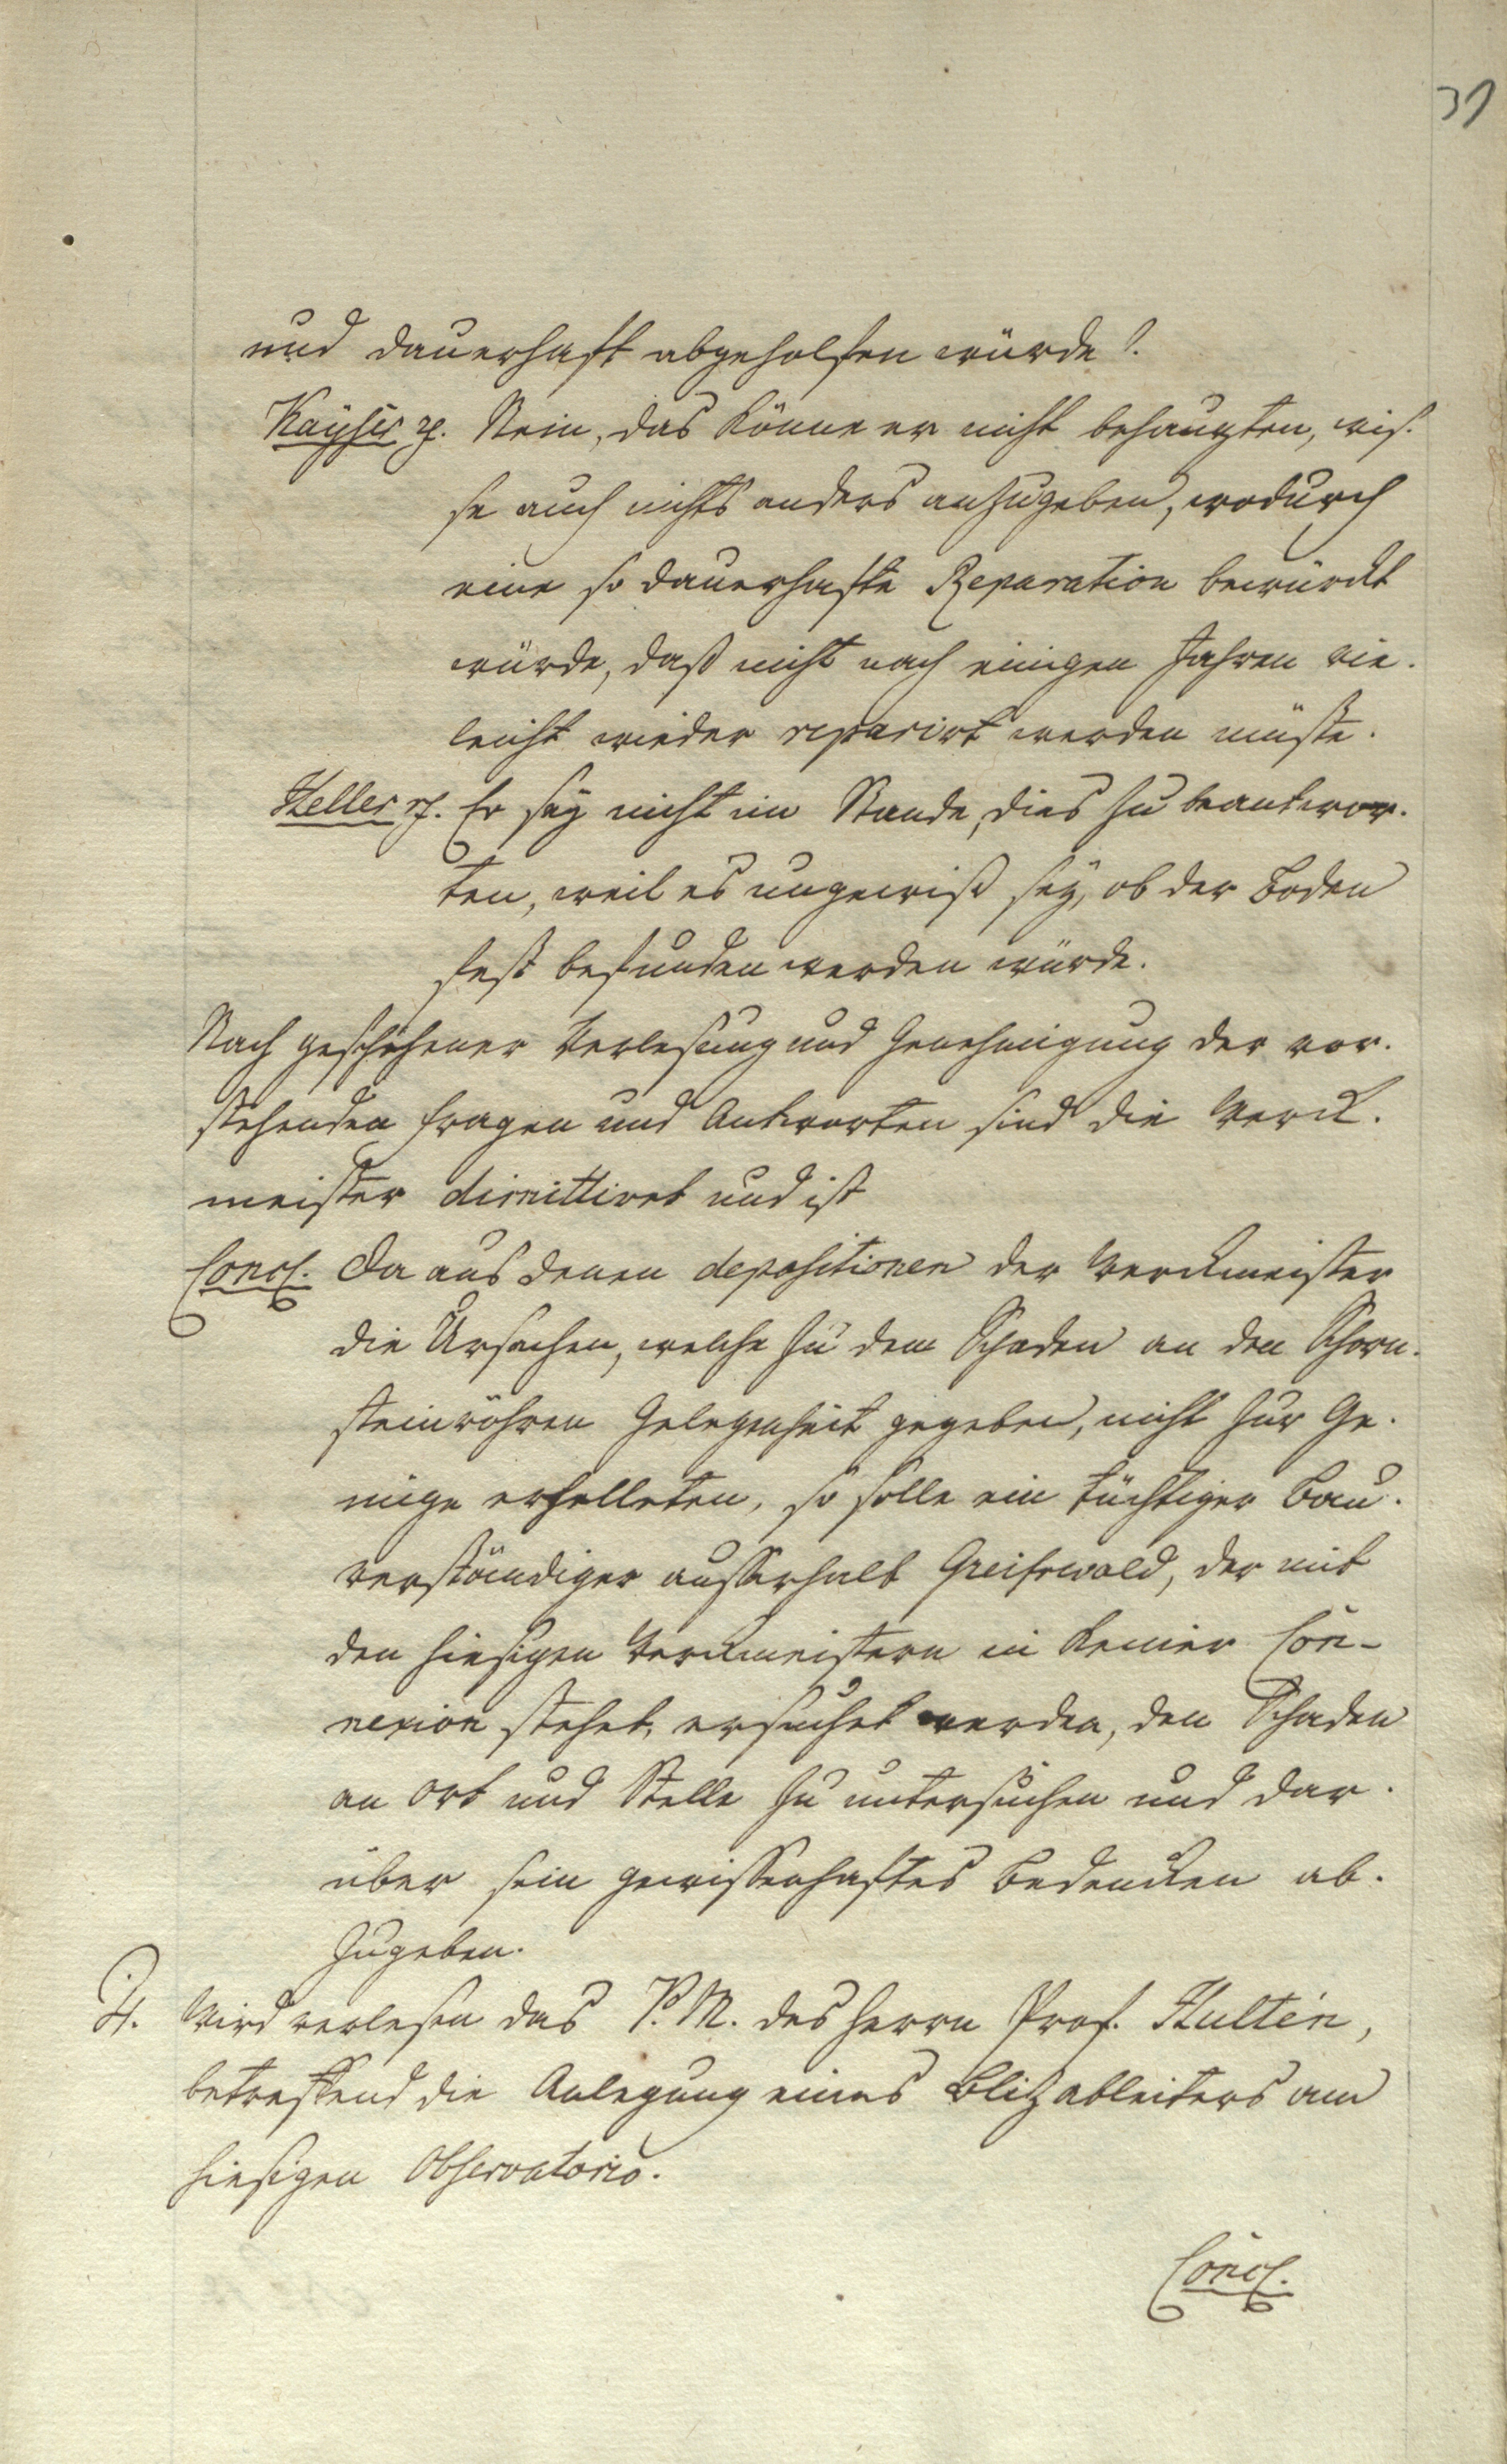und dauerhaft abgeholfen würde?
Kaÿser rf. Nein, das könne er nicht behaupten, wis¬
se auch nichts anders anzugeben, wodurch
eine so dauerhafte Reparation bewürckt
würde, daß nicht nach einigen Jahren vie¬
leicht wieder reparirt werden müßte.
Heller rf. Er seÿ nicht im Stande, dies zu beantwor¬
ten, weil es ungewiß seÿ, ob der Boden
fest befunden werden würde.
Nach geschehener Verlesung und Genehmigung der vor¬
stehenden Fragen und Antworten sind die Werck¬
meister dimittiret und ist
Concl. Da aus denen depositionen der Werckmeister
die Ursachen, welche zu dem Schaden an den Schorn¬
steinröhren Gelegenheit gegeben, nicht zur Ge¬
nüge erhelleten, so solle ein tüchtiger Bau¬
verständiger ausserhalb Greifswald, der mit
den hiesigen Werckmeistern in keiner Con¬
nexion stehet, ersuchet werden, den Schaden
an Ort und Stelle zu untersuchen und dar¬
über sein gewissenhaftes Bedencken ab¬
zugeben.
4. Wird verlesen das P. M. des Herrn Prof. Hultén,
betreffend die Anlegung eines Blizableiters am
hiesigen Observatorio.
Concl.